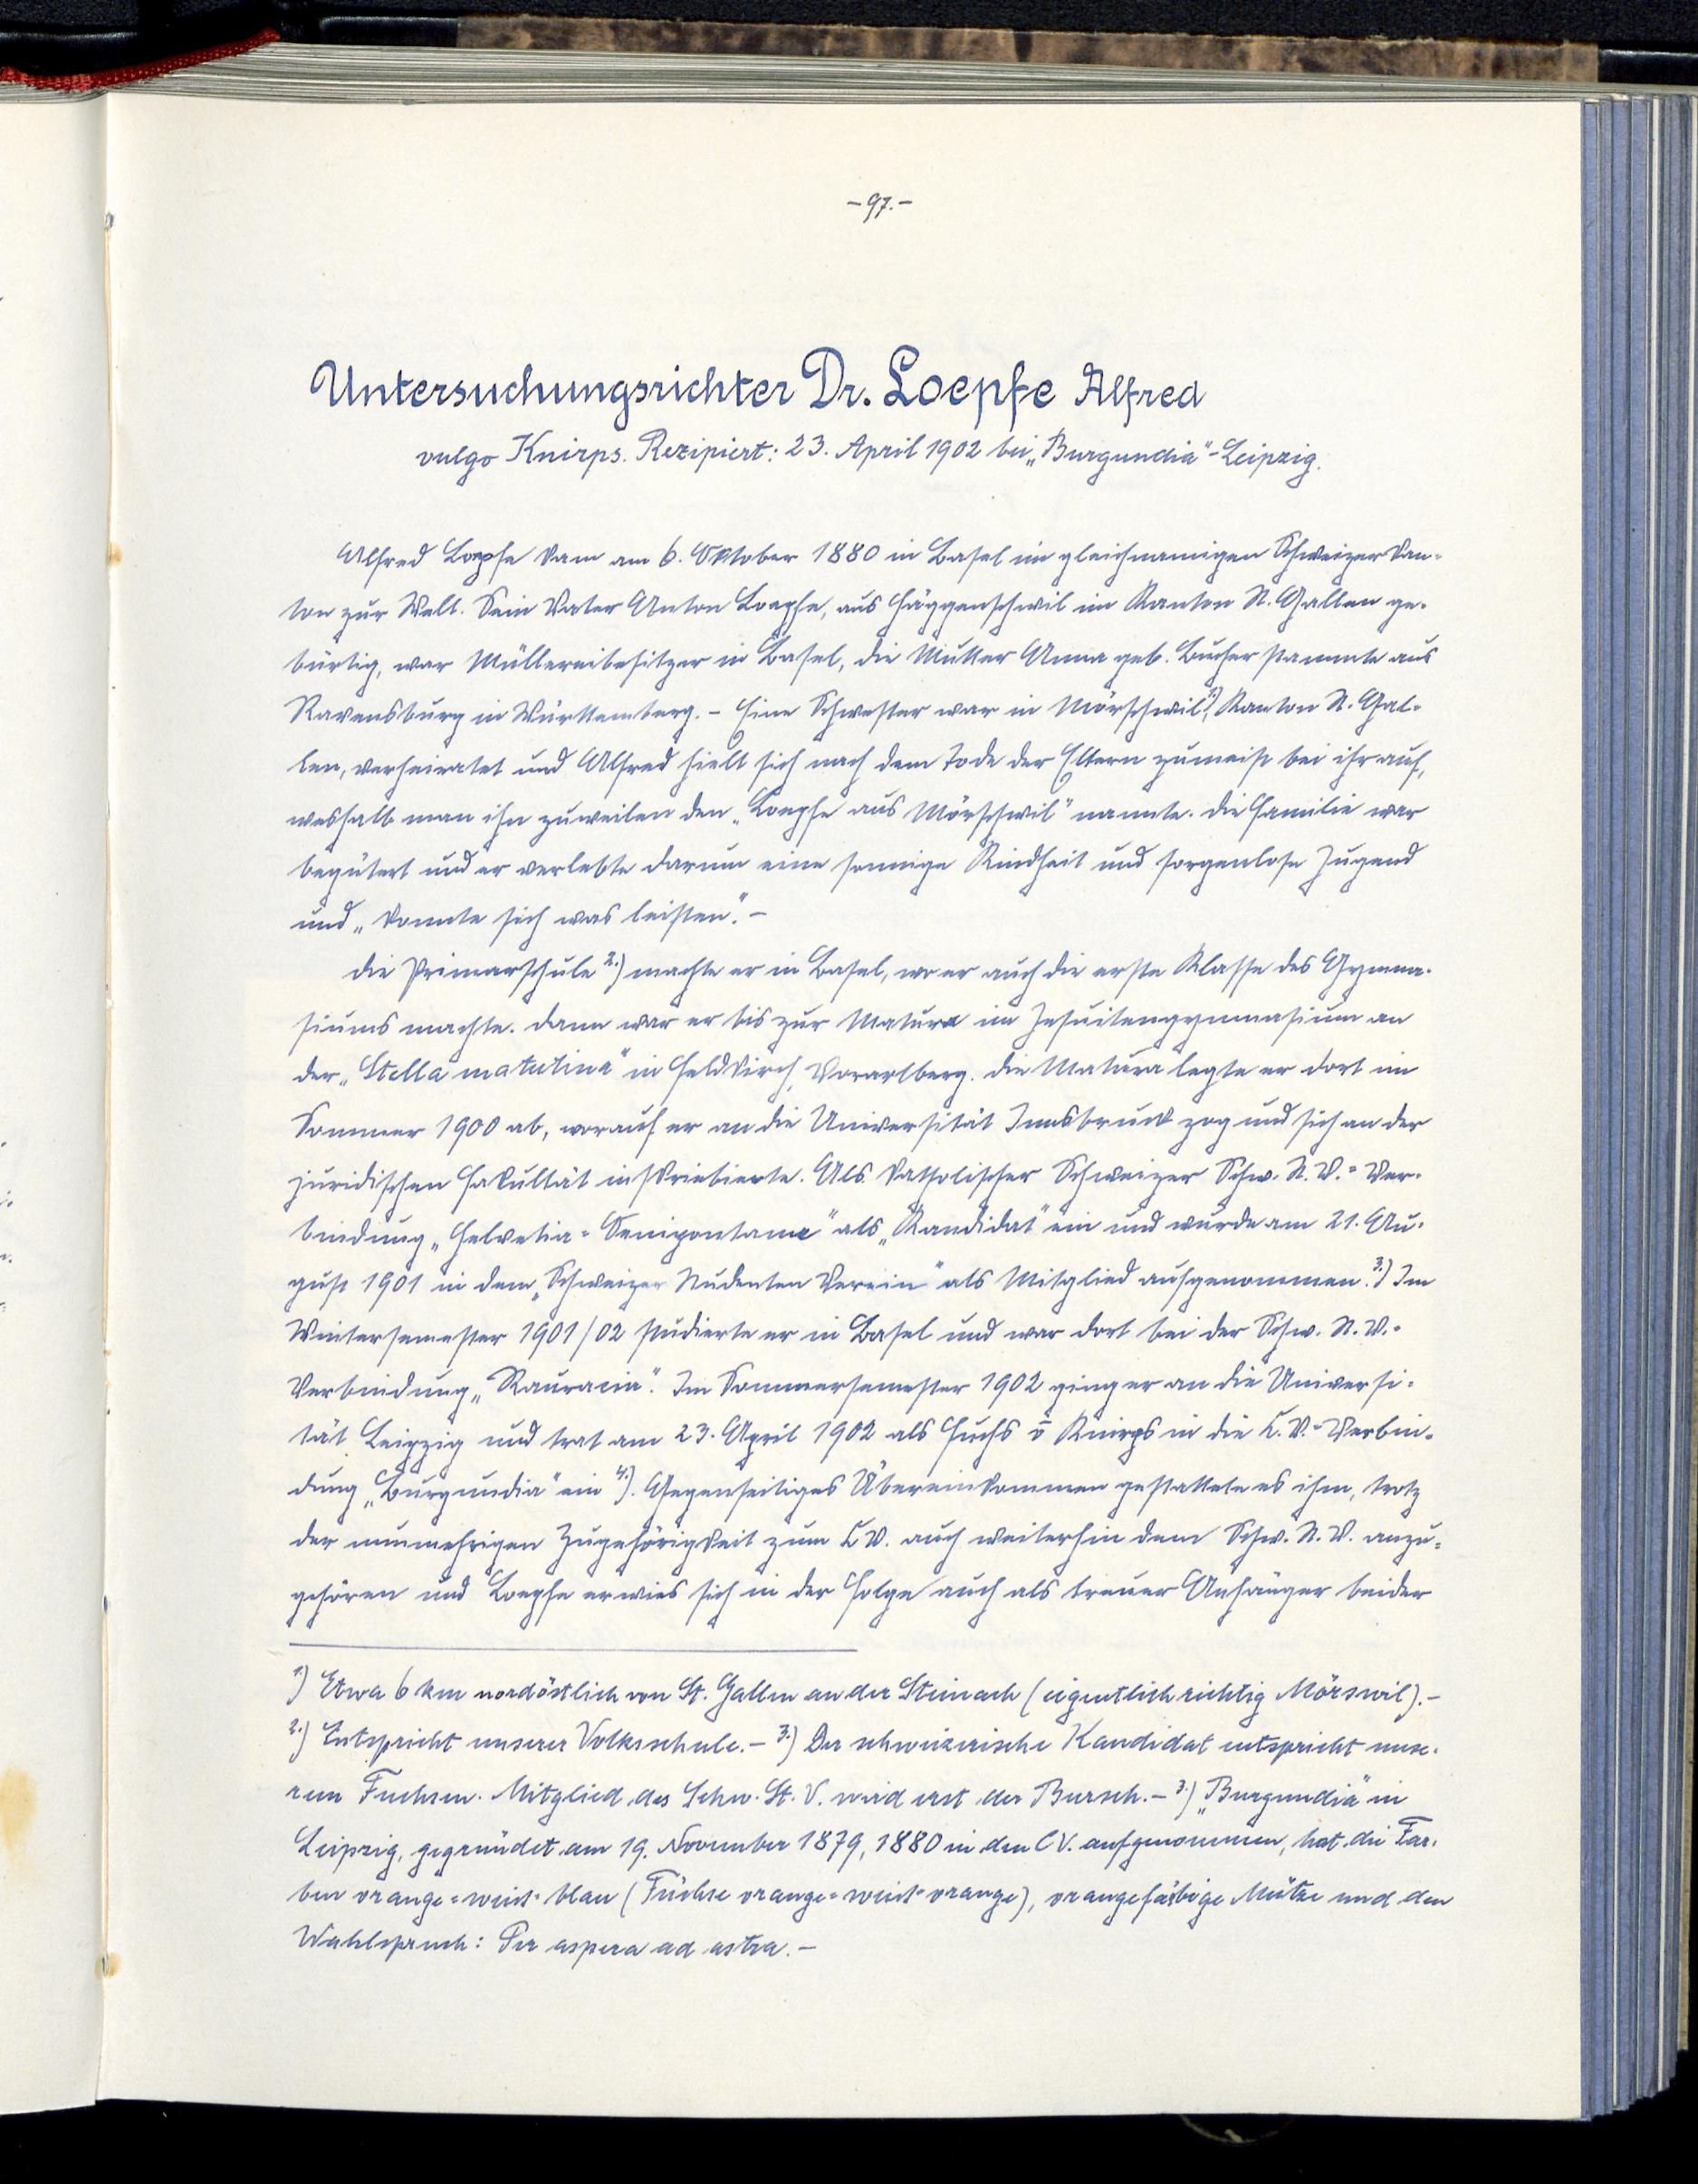97
Untersuchungsrichter Dr. Loepfe Alfred
vulgo Knirps Rezipiert. 23. April 1902 bei "Burgundia" Leipzig.
Alfred Loepfe kam am 6. Oktober 1880 in Basel im gleichnamigen Schweizerkan-
ton zur Welt. Sein Vater Anton Loepfe, aus Fäggenschwil im Kanton St. Gallen ge-
bürtig, war Müllereibesitzer in Basel, die Mutter Anna geb. Bucher stammte aus
Ravensburg in Württemberg. Die Schwester war in Morschwil 1) Kanton St. Gal-
len verheiratet und Alfred hielt sich nach dem Tode der Eltern zumeist bei ihrauf,
weshalb man ihn zuweilen den „Loepfe aus Mörschwil“ nannte. Die Familie war
begütert und er verlebte darum eine sonnige Kindheit und sorgenlose Jugend
und „konnte sich was leisten
Die Primarschule 2) machte er in Basel, wo er auch die erste Klasse des Gymna-
siums machte. Dann war er bis zur Matura im Jesuitengymnasium an
der "Stella matutina“ in Feldkirch Voralberg. Die Matura legte er dort im
Somnmer 1900 ab, worauf er an die Universität Innsbruck zog und sich an der
juridischen Fakultät inskribierte. Als katholischer Schweizer Schw. St V-Ver-
bindung "Helvetia-Semipontana“ als „Kandidat" ein und wurde am 21. Au-
gust 1901 in dem "Schweize Studenten Verein" als Mitglied aufgenommen 3.) Im
Wintersemester 1901/02 studierte er in Basel und war dort bei der Schw. St. V.-
Verbindung "Rauracia". Im Sommersemester 1902 ging er an die Universi-
tät Leipzig und trat am 23. April 1902 als Fuchs v/o Knirps in die CV-Verbin-
dung "Burgundia“ ein 4). Gegenseitiges Übereinkommen gestattete es ihm, trotz
der nunmehrigen Zugehörigkeit zum CV auch weiterhin dem Schw. St. V. anzu-
gehören und Loepfe erwies sich in der Folge anch als treuer Anhänger beider
1) Ewa 6 km nordöstlich von St. Gallen an der Steinach (eigentlich richlig Mörswil).-
2) Entspricht unserer Volksschule.- 3) Der schweizerische Kandidat entspricht unse-
rem Fuchsen. Mitglied des Schw. St. V wird erst der Bursch. 2) "Burgundia" in
Leipzig, gegründet am 19. November 1879, 1880 in den CV aufgenommmen, hat die Far-
ben orange-weiss- blau (Füchse orange- weiß - orange), orangefärbige Mütze und den
Wahlspruch: Per aspera ad astra. -